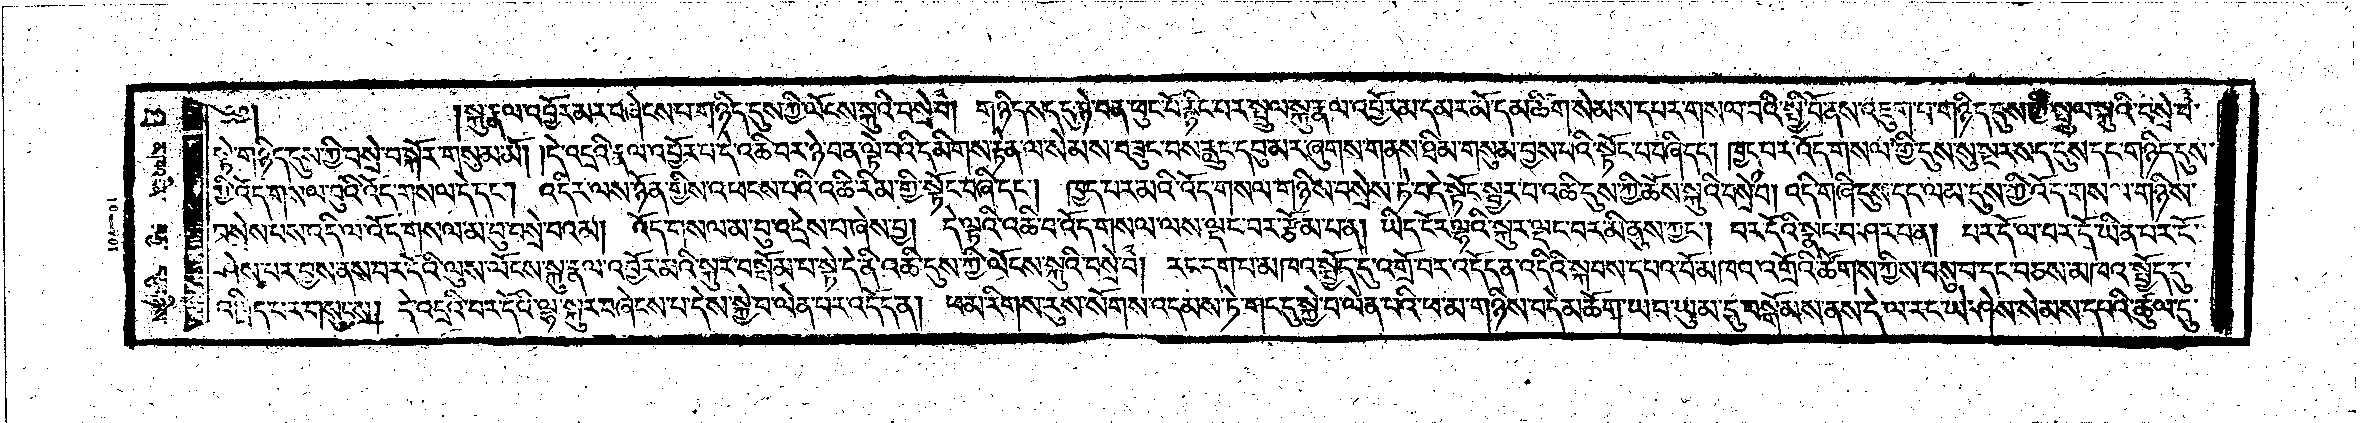༄༅། །སྐུ་རྣལ་འབྱོར་མར་བཞེངས་པ་གཉིད་དུས་ཀྱི་ལོངས་སྐུའི་བསྲེ་བ། གཉིད་སད་དུ་ཉེ་བ་ན་ཕུང་པོ་རྙིང་བར་སྤྲུལ་སྐུ་རྣལ་འབྱོར་མ་དམར་མོ་དམ་ཚིག་སེམས་དཔའ་གསལ་བའི་སྤྱི་བོ་ནས་འཇུག་པ་གཉིད་དུས་ཀྱི་སྤྲུལ་སྐུའི་བསྲི་བ་
སྟེ་གཉིད་དུས་ཀྱི་བསྲེ་བ་སྐོར་གསུམ་མོ། །དེ་འདྲའི་རྣལ་འབྱོར་བ་དེ་འཆི་བར་ཉེ་བ་ན་ལྟེ་བའི་དམིགས་རྟེན་ལ་སེམས་བཟུང་བས་རླུང་དབུ་མར་ཞུགས་གནས་ཐིམ་གསུམ་བྱས་པའི་སྟོང་པ་བཞི་དང་། ཁྱད་པར་འོད་གསལ་གྱི་དུས་སུ་སྔར་སད་དུས་དང་གཉིད་དུས་
ཀྱི་འོད་གསལ་བུའི་འོད་གསལ་དེ་དང་། འདིར་ལས་ཉོན་གྱིས་འཕངས་པའི་འཆི་རིམ་གྱི་སྟོང་བཞི་དང་། ཁྱད་པར་མའི་འོད་གསལ་གཉིས་བསྲེས་ཏེ་བདེ་སྟོང་སྦྱར་བ་འཆི་དུས་ཀྱི་ཆོས་སྐུའི་བསྲེ་བ། འདི་གཞི་དུས་དང་ལམ་དུས་ཀྱི་འོད་གསལ་གཉིས་
བསྲེས་པས་འདི་ལ་འོད་གསལ་མ་བུ་བསྲེ་བའམ། འོད་གསལ་མ་བུ་འདྲེས་པ་ཞེས་བྱ། དེ་ལྟའི་འཆི་བ་འོད་གསལ་ལས་ལྡང་བར་རྩོམ་པ་ན། ཡིད་ངོར་ལྷའི་སྐུར་ལྡང་བར་མི་ནུས་ཀྱང་། བར་དོའི་སྣང་བ་ཤར་བ་ན། བར་དོ་ལ་བར་དོ་ཡིན་པར་ངོ་
ཤེས་པར་བྱས་ནས་བར་དོའི་ལུས་ལོངས་སྐུ་རྣལ་འབྱོར་མའི་སྐུར་བསྒོམ་པ་སྟེ་དེ་ནི་འཆི་དུས་ཀྱི་ལོངས་སྐུའི་བསྲེ་བ། རང་དག་པ་མཁའ་སྤྱོད་དུ་འགྲོ་བར་འདེད་ན་འདིའི་སྐབས་དཔའ་བོ་མཁའ་འགྲོའི་ཚོགས་ཀྱིས་བསུ་བ་དང་བཅས་མཁའ་སྤྱོད་དུ་
འཁྲིད་པར་གསུངས། དེ་འདྲའི་བར་དོའི་ལྷ་སྐུར་བཞེངས་པ་དེས་སྐྱེ་བ་ལེན་པར་འདོད་ན། ཕ་མ་རིགས་རུས་སོགས་འདམས་ཏེ་གང་དུ་སྐྱེ་བ་ལེན་པའི་ཕ་མ་གཉིས་བདེ་མཆོག་ཡབ་ཡུམ་དུ་བསྒོམས་ནས་དེ་ལ་རང་ཡེ་ཤེས་སེམས་དཔའི་ཚུལ་དུ་